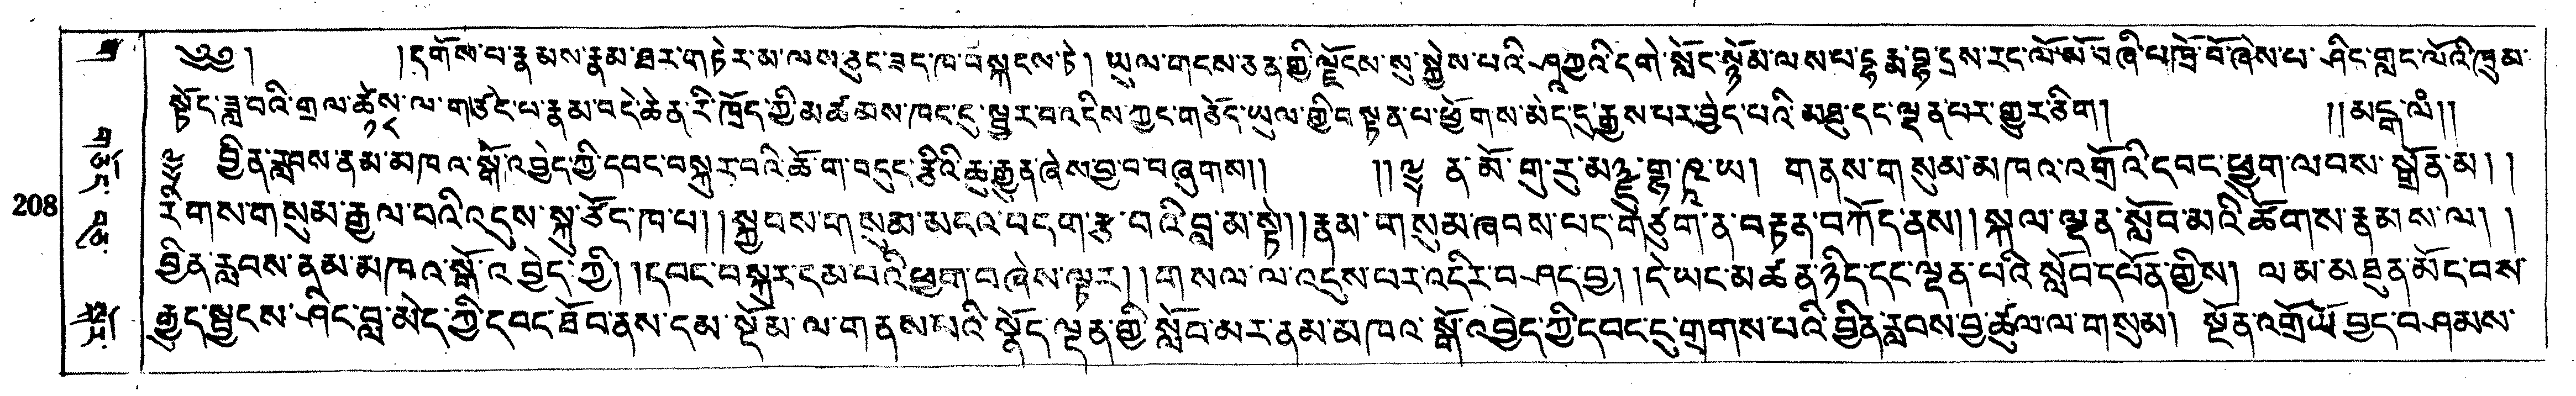༄༅། །དགོས་པ་རྣམས་རྣམ་ཐར་གཏེར་མ་ལས་ཅུང་ཟད་ཁ་བསྐངས་ཏེ། ཡུལ་གངས་ཅན་གྱི་ལྗོངས་སུ་སྐྱེས་པའི་ཤཱཀྱའི་དགེ་སློང་སྙོམ་ལས་པ་དྷ་རྨ་བྷ་དྲས་རང་ལོ་སོ་བཞི་པ་ཁྲོ་བོ་ཞེས་པ་ཤིང་གླང་ལོའི་ཁྲུམ་
སྟོད་ཟླ་བའི་གྲལ་ཚེས ༡༨་ལ་གཙང་པ་རྣམ་བདེ་ཆེན་རི་ཁྲོད་ཀྱི་མཚམས་ཁང་དུ་སྦྱར་བ་འདིས་ཀྱང་གཅོད་ཡུལ་གྱི་བསྟན་པ་ཕྱོགས་མེད་དུ་རྒྱས་པར་བྱེད་པའི་མཐུ་དང་ལྡན་པར་གྱུར་ཅིག ། །།མངྒ་ལཾ།།
༈ བྱིན་རླབས་ནམ་མཁའ་སྒོ་འབྱེད་ཀྱི་དབང་བསྐུར་བའི་ཆོ་ག་བདུད་རྩིའི་ཆུ་རྒྱུན་ཞེས་བྱ་བ་བཞུགས།། །།༈ ན་མོ་གུ་རུ་མཉྫུ་གྷ་ཥཱ་ཡ། གནས་གསུམ་མཁའ་འགྲོའི་དབང་ཕྱུག་ལབས་སྒྲོན་མ། །
རིགས་གསུམ་རྒྱལ་བའི་འདུས་སྐུ་ཙོང་ཁ་པ། །སྐྱབས་གསུམ་མངའ་བདག་རྩ་བའི་བླ་མ་སྟེ། །རྣམ་གསུམ་ཞབས་པད་གཙུག་ན་བརྟན་བཀོད་ནས། །སྐལ་ལྡན་སློབ་མའི་ཚོགས་རྣམས་ལ། །
བྱིན་རླབས་ནམ་མཁའ་སྒོ་འབྱེད་ཀྱི། །དབང་བསྐུར་དམ་པའི་ཕྱག་བཞེས་ལྟར། །གསལ་ལ་འདུས་པར་འདིར་བཤད་བྱ། །དེ་ཡང་མཚན་ཉིད་དང་ལྡན་པའི་སློབ་དཔོན་གྱིས། ལམ་མཐུན་མོང་བས་
རྒྱུད་སྦྱངས་ཤིང་བླ་མེད་ཀྱི་དབང་ཐོབ་ནས་དམ་སྡོམ་ལ་གནས་པའི་སྣོད་ལྡན་གྱི་སློབ་མར་ནམ་མཁའ་སྒོ་འབྱེད་ཀྱི་དབང་དུ་གྲགས་པའི་བྱིན་རླབས་བྱ་ཚུལ་ལ་གསུམ། སྔོན་འགྲོ་ཡོ་བྱས་བཤམས་